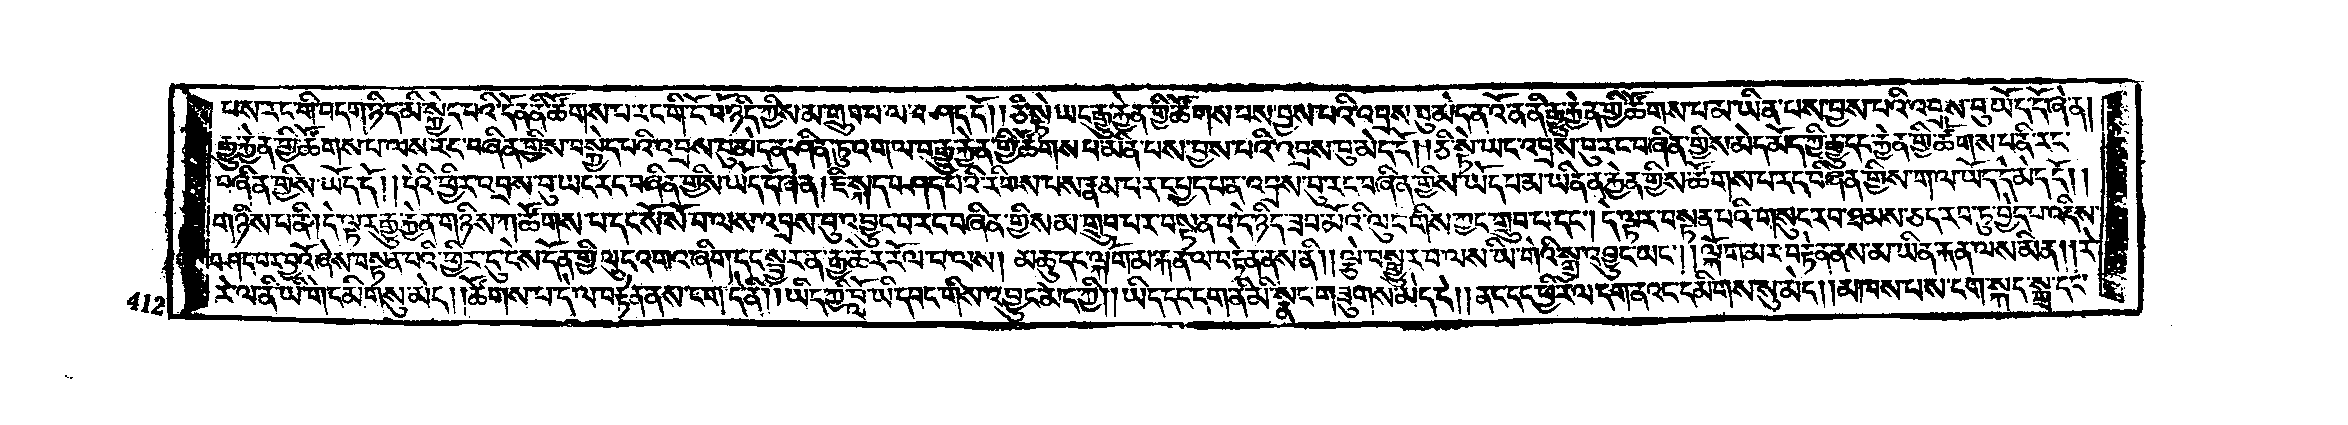པས་རང་གི་བདག་ཉིད་མི་སྐྱེད་པའི་དོན་ནི་ཚོགས་པ་རང་གི་ངོ་བོ་ཉིད་ཀྱིས་མ་གྲུབ་པ་ལ་བཤད་དོ། །ཅི་སྟེ་ཡང་རྒྱུ་རྐྱེན་གྱི་ཚོགས་པས་བྱས་པའི་འབྲས་བུ་མེད་ན་འོ་ན་ནི་རྒྱུ་རྐྱེན་གྱི་ཚོགས་པ་མ་ཡིན་པས་བྱས་པའི་འབྲས་བུ་ཡོད་དོ་ཞེ་ན།
རྒྱུ་རྐྱེན་གྱི་ཚོགས་པ་ལས་རང་བཞིན་གྱིས་བསྐྱེད་པའི་འབྲས་བུ་མེད་ན་ཤིན་ཏུ་འགལ་བ་རྒྱུ་རྐྱེན་གྱི་ཚོགས་པ་མིན་པས་བྱས་པའི་འབྲས་བུ་མེད་དོ། །ཅི་སྟེ་ཡང་འབྲས་བུ་རང་བཞིན་གྱིས་མེད་མོད་ཀྱི་རྒྱུ་དང་རྐྱེན་གྱི་ཚོགས་པ་ནི་རང་
བཞིན་གྱིས་ཡོད་དོ། །དེའི་ཕྱིར་འབྲས་བུ་ཡང་རང་བཞིན་གྱིས་ཡོད་དོ་ཞེ་ན། ཇི་སྐད་བཤད་པའི་རིགས་པས་རྣམ་པར་དཔྱད་པ་ན་འབྲས་བུ་རང་བཞིན་གྱིས་ཡོད་པ་མ་ཡིན་ན་རྐྱེན་གྱིས་ཚོགས་པ་རང་བཞིན་གཉིས་ག་ལ་ཡོད་དེ་མེད་དོ། །
གཉིས་པ་ནི། དེ་ལྟར་རྒྱུ་རྐྱེན་གཉིས་ཀ་ཚོགས་པ་དང་སོ་སོ་བ་ལས་འབྲས་བུ་འབྱུང་བ་རང་བཞིན་གྱིས་མ་གྲུབ་པར་བསྟན་པ་དེ་ཉིད་ཟབ་མོའི་ལུང་གིས་ཀྱང་གྲུབ་པ་དང་། དེ་ལྟར་བསྟན་པའི་གསུང་རབ་ཐམས་ཅད་རབ་ཏུ་བྱེད་པ་འདིས་
བཤད་པར་བྱའོ་ཞེས་བསྟན་པའི་ཕྱིར་དུ་ངེས་དོན་གྱི་ལུང་འགའ་ཞིག་དང་སྦྱར་ན་རྒྱ་ཆེར་རོལ་པ་ལས། མཆུ་དང་ལྐོག་མ་རྐན་ལ་བརྟེན་ནས་ནི། །ལྕེ་བསྒྱུར་བ་ལས་ཡི་གེའི་སྒྲ་འབྱུང་ཡང་། །ལྐོག་མར་བརྟེན་ནས་མ་ཡིན་རྐན་ལས་མིན། །རེ་
རེ་ལ་ནི་ཡི་གེ་དམིགསུ་མེད། །ཚོགས་པ་དེ་ལ་བརྟེན་ནས་ངག་དེ་ནི། །ཡིད་ཀྱི་བློ་ཡི་དབང་གིས་འབྱུང་མེད་ཀྱི། །ཡིད་དང་དག་ནི་མི་སྣང་གཟུགས་མེད་དེ། །ནང་དང་ཕྱི་རོལ་དག་ནའང་དམིགས་སུ་མེད། །མཁས་པས་ངག་སྐད་སྒྲ་དང་